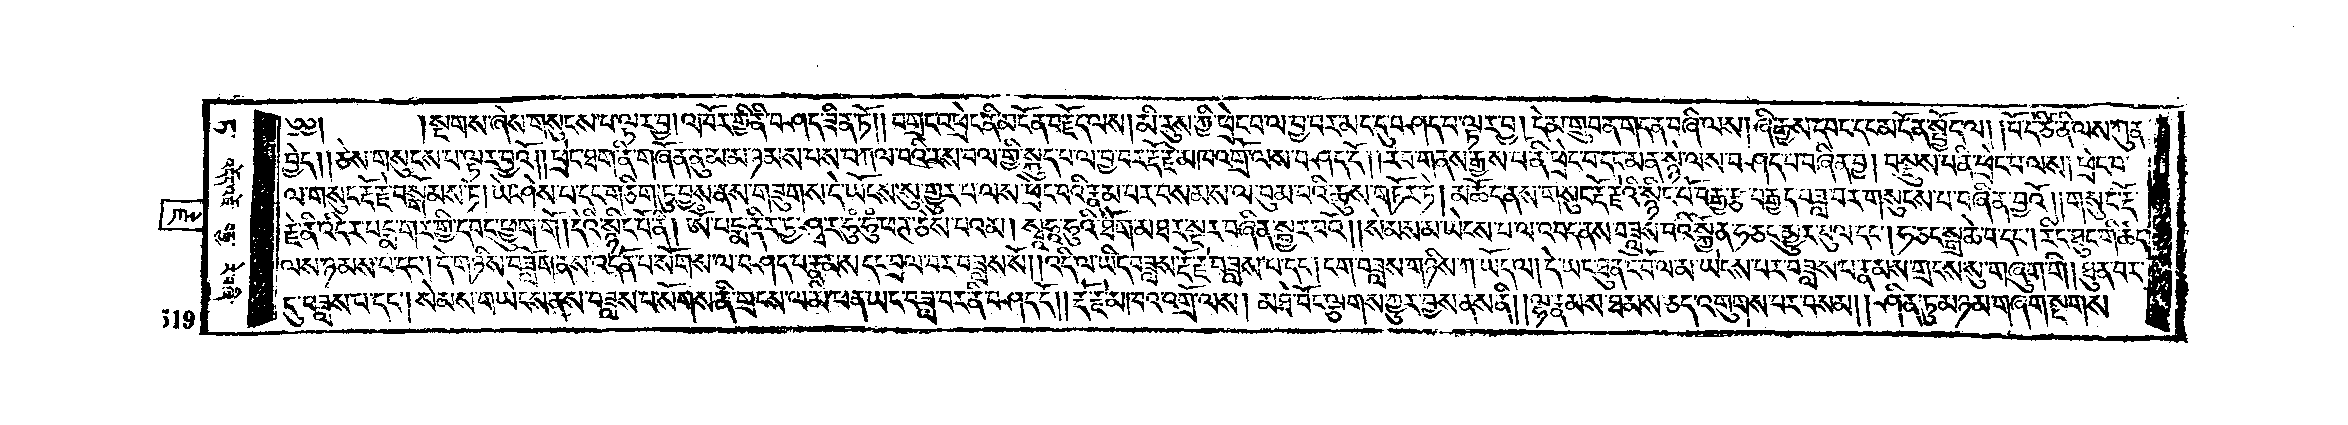༄༅། །སྔགས་ཞེས་གསུངས་པ་ལྟར་བྱ། འཁོར་གྱི་ནི་བཤད་ཟིན་ཏོ། །བགྲང་འཕྲེང་ནི་མངོན་བརྗོད་ལས། མི་རུས་ཀྱི་ཕྲེང་བ་ལ་བྱ་བར་མང་དུ་བཤད་པ་ལྟར་བྱ། དེ་མ་གྲུབ་ན་གདན་བཞི་ལས། ཞི་རྒྱས་དབང་དང་མངོན་སྤྱོད་ལ། །བོ་དེ་ཙི་ནི་ལས་ཀུན་
བྱེད། །ཅེས་གསུངས་པ་ལྟར་བྱའོ། །ཕྲེང་ཐག་ནི་གཞོན་ནུ་མ་མ་ཉམས་པས་བཀལ་བའི་རས་བལ་གྱི་སྐུད་པ་ལ་བྱ་བར་རྡོ་རྗེ་མཁའ་འགྲོ་ལས་བཤད་དོ། །རབ་གནས་རྒྱས་པ་ནི་ཕྲེང་བ་དང་མན་སྙེ་ལས་བཤད་པ་བཞིན་བྱ། བསྡུས་པ་ནི་ཕྲེང་བ་ལས། ཕྲེང་བ་
ལ་གསུང་རྡོ་རྗེ་བསྒོམས་ཏེ། ཡེ་ཤེས་པ་དང་གཅིག་ཏུ་བྱས་ནས་གཟུགས་དེ་ཡོངས་སུ་གྱུར་པ་ལས་ཕྲེང་བའི་རྣམ་པར་བསམས་ལ་བུམ་པའི་ཆུས་གཏོར་ཏེ། མཆོད་ནས་གསུང་རྡོ་རྗེའི་སྙིང་པོ་བརྒྱ་རྩ་བརྒྱད་བཟླ་བར་གསུངས་པ་བཞིན་བྱའོ། །གསུང་རྡོ་
རྗེ་ནི་འདིར་པདམ་གར་གྱི་དབང་ཕྱུག་གོ །དེའི་སྙིང་པོ་ནི། ཨོཾ་པདམ་ནིར་ཏྱ་ཤྭ་ར་ཧུཾ་ཧུཾ་ཕཊ་ཅེས་པའམ། སྭཱཧཱ་ཧུའི་ཐོག་མཐར་སྔར་བཞིན་སྦྱར་བའོ། །སེམས་མ་ཡེངས་པ་ལ་འབད་ནས་བཟླས་པའི་སྐྱོན་ཧ་ཅང་མྱུར་བུལ་དང་། ཧ་ཅང་སྒྲ་ཆེ་བ་དང་། རིང་ཐུང་གི་ཚད་
ལས་ཉམས་པ་དང་། དེ་གཉིས་བཟློག་ནས་འདོན་པ་སོགས་ལ་བཤད་པ་རྣམས་དང་བྲལ་བར་བཟླས་སོ། །འདི་ལ་ཡིད་བཟླས་རྡོ་རྗེ་བཟླས་པ་དང་། ངག་བཟླས་གཉིས་ཀ་ཡོད་ལ། དེ་ཡང་ཐུན་ངོ་བོ་ལ་མ་ཡེངས་པར་བཟླས་པ་རྣམས་གྲངས་སུ་གཞུག་གི། ཐུན་བར་
དུ་བཟླས་པ་དང་། སེམས་གཡེངས་ནས་བཟླས་པ་སོགས་ནི་གྲངས་ལ་མི་ཕན་ཡང་བཟླ་བར་ནི་བཤད་དོ། །རྡོ་རྗེ་མཁའ་འགྲོ་ལས། མཐེ་བོང་ལྕགས་ཀྱུར་བྱས་ནས་ནི། །ལྷ་རྣམས་ཐམས་ཅད་འགུག་པར་བསམ། །ཤིན་ཏུ་མཉམ་གཞག་སྔགས་